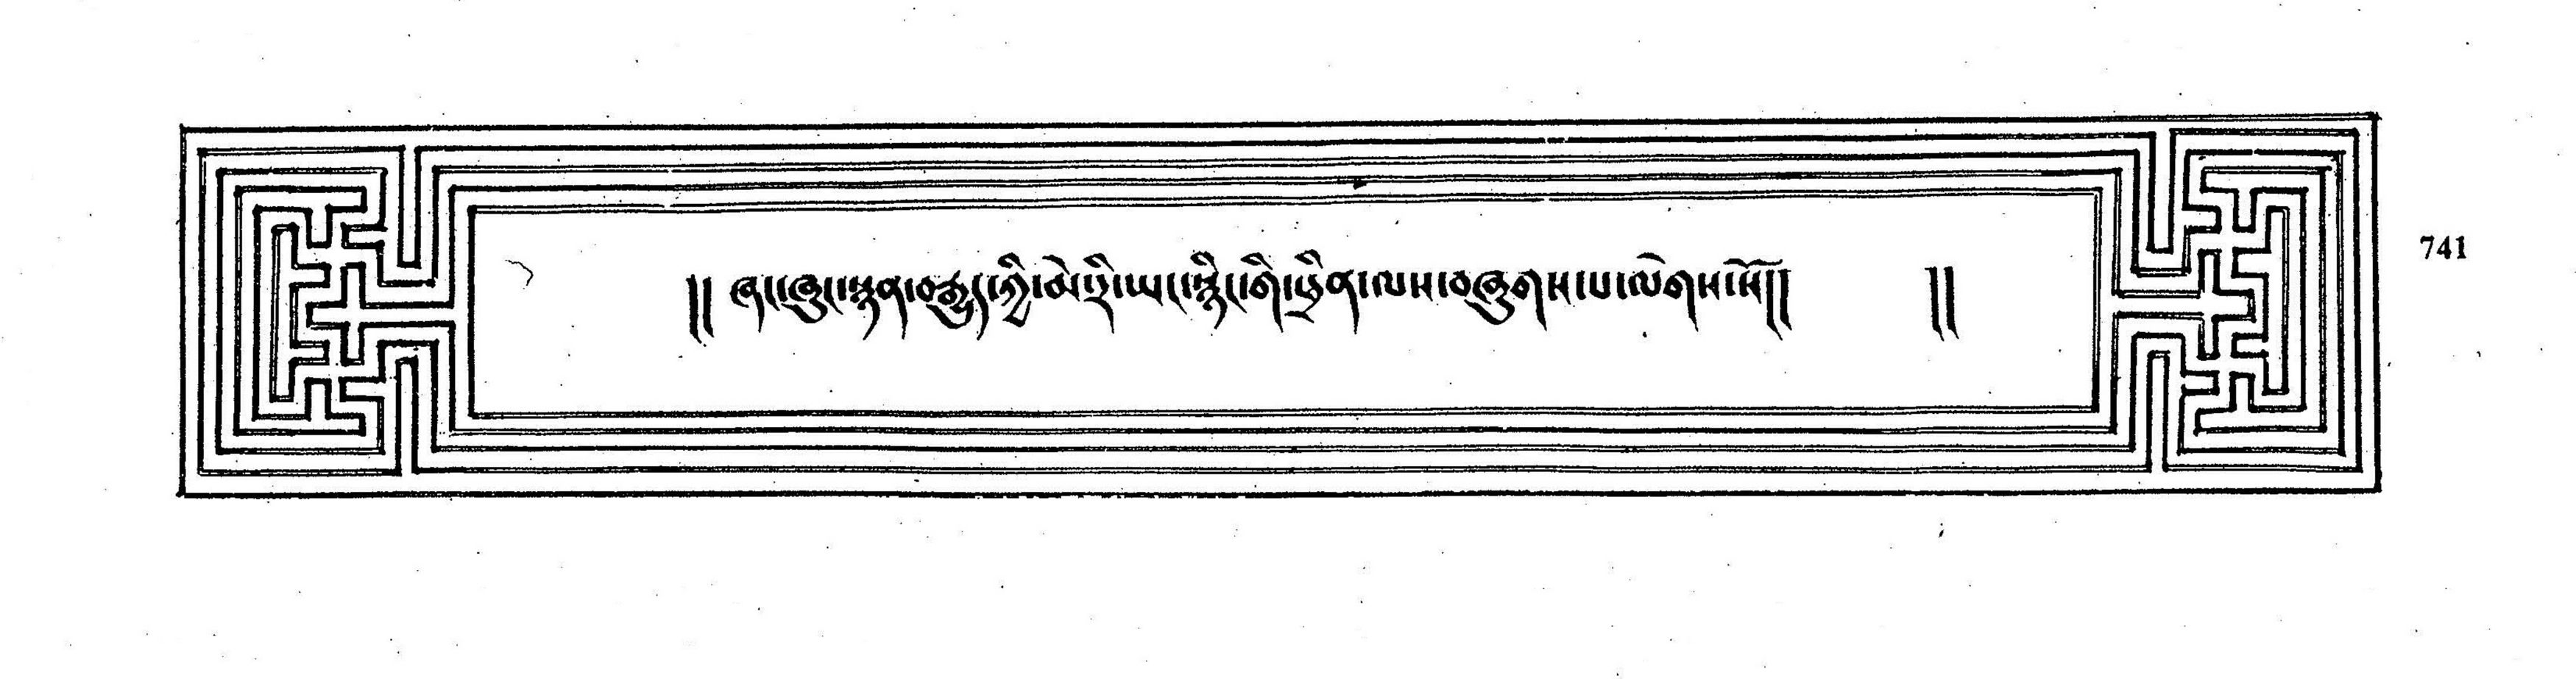།།ཞང་ཞུང་སྙན་བརྒྱུད་ཀྱི་མེ་རི་ཡང་སྙིང་གི་ཕྲིན་ལས་བཞུགས་པ་ལེགས་སོ།། །།